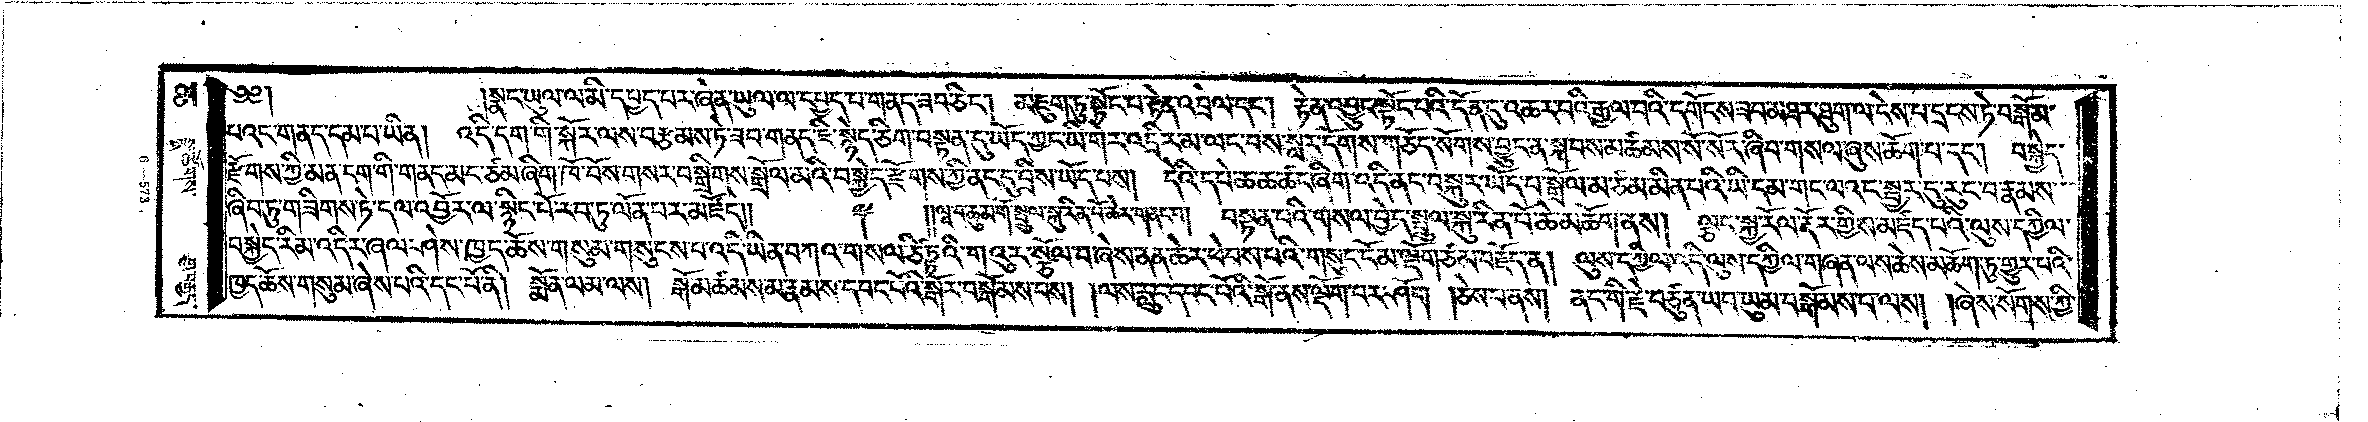༄༅། །སྣང་ཡུལ་ལ་མི་དཔྱད་པར་ཞེན་ཡུལ་ལ་དཔྱད་པ་གནད་ཟབ་ཅིང་། མཇུག་ཏུ་སྟོང་པ་རྟེན་འབྲེལ་དང་། རྟེན་འབྱུང་སྟོང་པའི་དོན་དུ་འཆར་བའི་རྒྱལ་བའི་དགོངས་ཟབ་མཐར་ཐུག་ལ་ངེས་པ་དྲངས་ཏེ་བསྒོམ་
པའང་གནད་དམ་པ་ཡིན། འདི་དག་གི་སྐོར་ལས་བརྩམས་ཏེ་ཟབ་གནད་ཇི་སྙེད་ཅིག་བསྟན་དུ་ཡོད་ཀྱང་ཡི་གེར་འདྲིར་མ་ལང་བས་སླར་དོགས་གཅོད་སོགས་བྱུང་ན་སྐབས་མཚམས་སོ་སོར་ཞིབ་གསལ་ཞུས་ཆོག་པ་དང་། བསྐྱེད་
རྫོགས་ཀྱི་མན་ངག་གི་གནད་མང་ཙམ་ཞིག་ཁོ་བོས་གསར་བསྒྲིགས་སྒྲོལ་མའི་བསྐྱེད་རྫོགས་ཀྱི་ནང་དུ་བྲིས་ཡོད་པས། དེའི་དཔེ་ཆ་ཆ་ཚང་ཞིག་འདི་ནང་བསྐུར་ཡོད་པ་སྒྲོལ་མ་ཙམ་མིན་པའི་ཡི་དམ་གང་ལའང་སྦྱར་དུ་རུང་བ་རྣམས་
ཞིབ་ཏུ་གཟིགས་ཏེ་དལ་འབྱོར་ལ་སྙིང་པོ་རབ་ཏུ་ལོན་པར་མཛོད།། ༈ །།ལཱ་བ་ཆུ་མགོ་སྤྲུལ་སྐུའི་ན་པོ་ཆེར་གནང་བ།  བསྟན་པའི་གསལ་བྱེད་སྤྲུལ་སྐུ་རིན་པོ་ཆེ་མཆོག་ནས། ལྕང་སྐྱ་རོལ་རྡོར་གྱིས་མཛད་པའི་ལུས་དཀྱིལ་
བསྐྱེད་རིམ་འདིར་ཞལ་ཤེས་ཁྱད་ཆོས་གསུམ་གསུངས་པ་འདི་ཡིན་བཀའ་གསལ་ཙིཏྟའི་གའུར་སྩོལ་བ་ཞེས་ནན་ཆེར་ཕེབས་པའི་གསུང་ངོ་མ་ལྡོག་ཙམ་བརྗོད་ན། ལུས་དཀྱིལ་འདི་ལུས་དཀྱིལ་གཞན་ལས་ཆེས་མཆོག་ཏུ་གྱུར་པའི་
ཁྱད་ཆོས་གསུམ་ཞེས་པའི་དང་པོ་ནི། སྨོན་ལམ་ལས། སྒོ་མཚམས་མ་རྣམས་དབང་པོའི་སྒོར་བསྒོམས་པས། །ལས་རླུང་དབང་པོའི་སྒོ་ནས་ལྡོག་བར་ཤོག །ཅེས་པ་ནས། ནང་གི་རྗེ་བཙུན་ཡབ་ཡུམ་བསྒོམས་པ་ལས། །ཞེས་སོགས་ཀྱི་